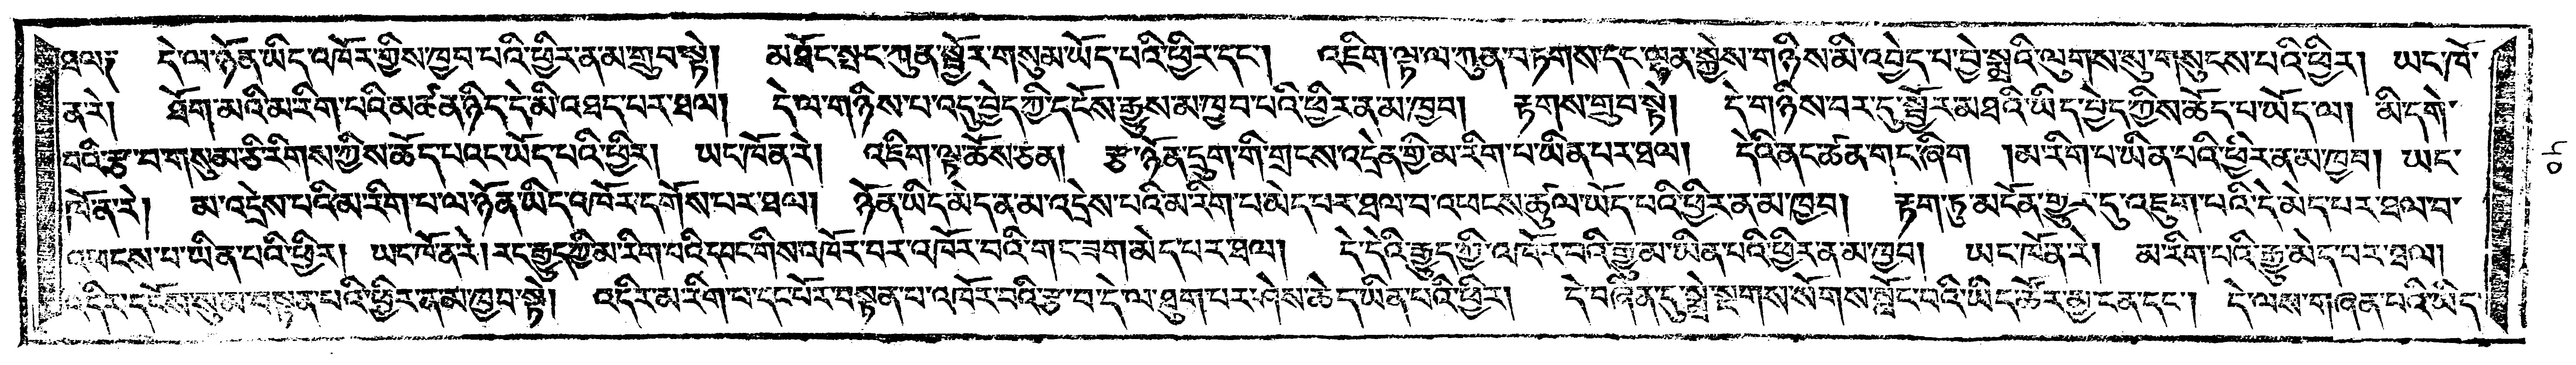ཐལ༑ དེ་ལ་ཉོན་ཡིད་འཁོར་གྱིས་ཁྱབ་པའི་ཕྱིར་ན་མ་གྲུབ་སྟེ། མཐོང་སྤང་ཀུན་སྦྱོར་གསུམ་ཡོད་པའི་ཕྱིར་དང་། འཇིག་ལྟ་ལ་ཀུན་བཏགས་དང་ལྷན་སྐྱེས་གཉིས་མི་འབྱེད་པ་བྱེ་སྨྲའི་ལུགས་སུ་གསུངས་པའི་ཕྱིར། ཡང་ཁོ་
ན་རེ། ཐོག་མའི་མ་རིག་པའི་མཚན་ཉིད་དེ་མི་འཐད་པར་ཐལ། དེ་ལ་གཉིས་པ་འདུ་བྱེད་ཀྱི་དངོས་རྒྱུས་མ་ཁྱབ་པའི་ཕྱིར་ན་མ་ཁྱབ། རྟགས་གྲུབ་སྟེ། དེ་གཉིས་བར་དུ་སྦྱོར་མཐའ་ཡིད་བྱེད་ཀྱིས་ཆོད་པ་ཡོད་ལ། མི་དགེ་
བའི་རྩ་བ་གསུམ་ཅི་རིགས་ཀྱིས་ཆོད་པའང་ཡོད་པའི་ཕྱིར། ཡང་ཁོ་ན་རེ། འཇིག་ལྟ་ཆོས་ཅན། རྩ་ཉོན་དྲུག་གི་གྲངས་འདྲེན་གྱི་མ་རིག་པ་ཡིན་པར་ཐལ། དེའི་ནང་ཚན་གང་ཞིག །མ་རིག་པ་ཡིན་པའི་ཕྱིར་ན་མ་ཁྱབ། ཡང་
ཁོ་ན་རེ། མ་འདྲེས་པའི་མ་རིག་པ་ལ་ཉོན་ཡིད་འཁོར་དགོས་པར་ཐལ། ཉོན་ཡིད་མེད་ན་མ་འདྲེས་པའི་མ་རིག་པ་མེད་པར་ཐལ་བ་འཕངས་ཚུལ་ཡོད་པའི་ཕྱིར་ན་མ་ཁྱབ། རྟག་ཏུ་མངོན་གྱུར་དུ་འཇུག་པའི་དེ་མེད་པར་ཐལ་བ་
འཕངས་པ་ཡིན་བའི་ཕྱིར། ཡང་ཁོ་ན་རེ། རང་རྒྱུད་ཀྱི་མ་རིག་པའི་དབང་གིས་འཁོར་བར་འཁོར་བའི་གང་ཟག་མེད་པར་ཐལ། དེ་དེའི་རྒྱུད་ཀྱི་འཁོར་བའི་རྒྱུ་མ་ཡིན་པའི་ཕྱིར་ན་མ་ཁྱབ། ཡང་ཁོ་ན་རེ། མ་རིག་པའི་རྒྱུ་མེད་པར་ཐལ།
འདིར་དངོས་སུམ་བསྟན་པའི་ཕྱིར་ན་མ་ཁྱབ་སྟེ། འདིར་མ་རིག་པ་དང་པོར་བསྟན་པ་འཁོར་བའི་རྩ་བ་དེ་ལ་ཐུག་པར་ཤེས་ཆེད་ཡིན་པའི་ཕྱིར། དེ་བཞིན་དུ་སྨྲེ་སྔགས་སོགས་སློང་བའི་ཡིད་ཚོར་མྱ་ངན་དང་། དེ་ལས་གཞན་པའི་ཡིད་